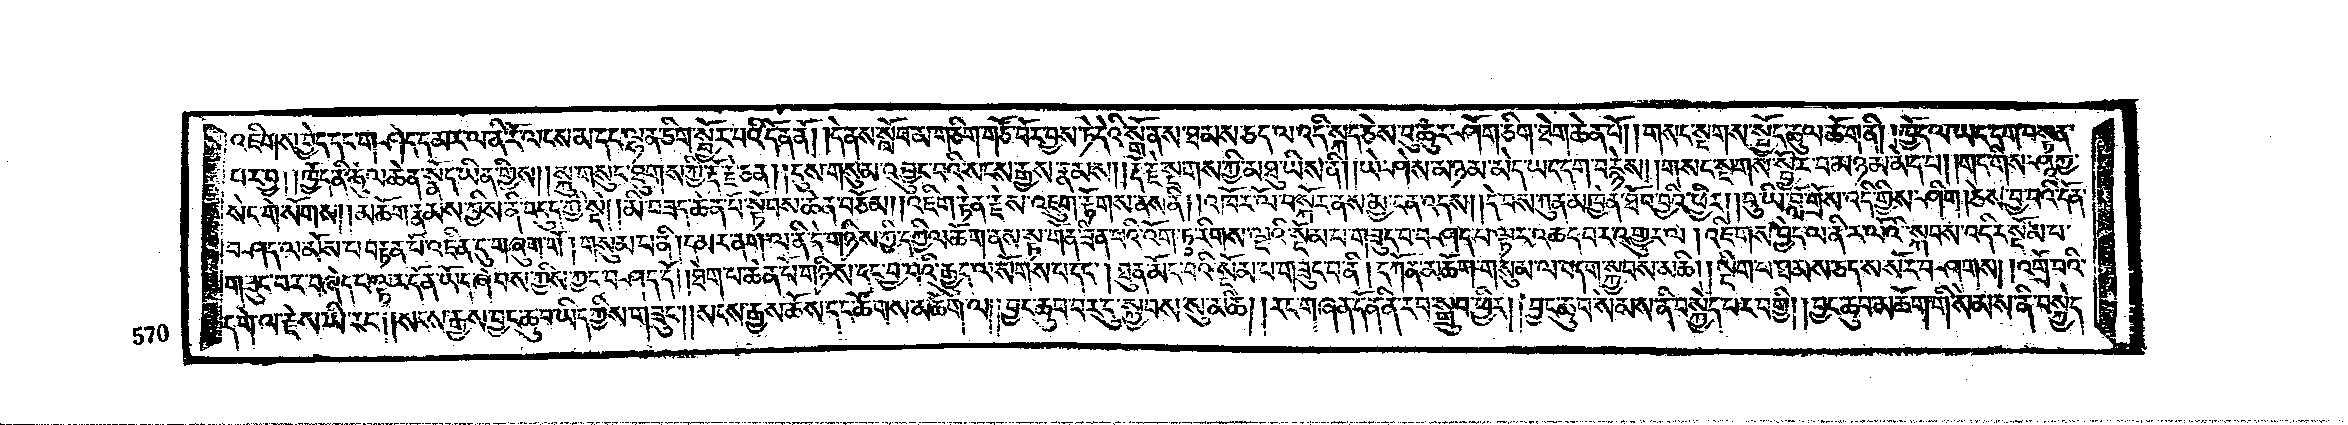འཇིགས་བྱེད་དང་གཤེད་དམར་ལ་ནི་རོ་ལངས་མ་དང་ལྷན་ཅིག་སྦྱོར་བའི་དོན་ནོ། །དེ་ནས་སློབ་མ་གཅིག་གཙོ་བོར་བྱས་ཏེ་དེའི་སྒོ་ནས་ཐམས་ཅད་ལ་འདི་སྐད་ཅེས་བུ་ཚུར་ཤོག་ཅིག་ཐེག་ཆེན་པོ། །གསང་སྔགས་སྦྱོང་ཚུལ་ཆོ་ག་ནི། །ཁྱོད་ལ་ཡང་དྲག་བསྟན་
པར་བྱ། །ཁྱོད་ནི་ཚུལ་ཆེན་སྣོད་ཡིན་གྱིས། །སྐུ་གསུང་ཐུགས་ཀྱི་རྡོ་རྗེ་ཅན། །དུས་གསུམ་འབྱུང་བའི་སངས་རྒྱས་རྣམས། །རྡོ་རྗེ་སྔགས་ཀྱི་མཐུ་ཡིས་ནི། །ཡེ་ཤེས་མཉམ་མེད་ཡང་དག་བརྙེས། །གསང་སྔགས་སྦྱོར་བ་མཉམ་མེད་པ། །གང་གིས་ཤཱཀྱ་
སེང་གེ་སོགས། །མཆོག་རྣམས་ཀྱིས་ནི་བདུད་ཀྱི་སྡེ། །མི་བཟད་ཆེན་པོ་སྟོབས་ཆེན་བཅོམ། །འཇིག་རྟེན་རྗེས་འཇུག་རྟོགས་ནས་ནི། །འཁོར་ལོ་བསྐོར་ནས་མྱ་ངན་འདས། །དེ་བས་ཀུན་མཁྱེན་ཐོབ་བྱའི་ཕྱིར། །བུ་ཡི་བློ་གྲོས་འདི་གྱིས་ཤིག །ཅེས་བྱ་བའི་དོན་
བཤད་ལ་མོས་པ་བརྟན་པོ་འཛིན་དུ་གཞུག་གོ །གསུམ་པ་ནི། དམར་ནག་ལ་ནི་དེ་གཉིས་ཀྱི་དཀྱིལ་ཆོག་ནས་སྟ་གོན་ཟིན་པའི་འོག་ཏུ་རིགས་ལྔའི་སྡོམ་པ་གཟུང་བ་བཤད་པ་ལྟར་འཆད་པར་འགྱུར་ལ། འཇིགས་བྱེད་ལ་ནི་རྭ་ལོའི་སྐབས་འདིར་སྡོམ་པ་
གཟུང་བར་བཞེད་པ་ལྟར་དོན་ཡོད་ཞེབས་ཀྱིས་ཀྱང་བཤད་དོ། །ཐེག་པ་ཆེན་པོ་གཉིས་དང་བྱ་བའི་རྒྱུད་ལ་སོགས་པ་དང་། ཐུན་མོང་བའི་སྡོམ་པ་གཟུང་བ་ནི། དཀོན་མཆོག་གསུམ་ལ་བདག་སྐྱབས་མཆི། །སྡིག་པ་ཐམས་ཅད་སོ་སོར་བཤགས། །འགྲོ་བའི་
དགེ་ལ་རྗེས་ཡི་རང་། །སངས་རྒྱས་བྱང་ཆུབ་ཡིད་ཀྱིས་གཟུང་། །སངས་རྒྱས་ཆོས་དང་ཚོགས་མཆོག་ལ། །བྱང་ཆུབ་བར་དུ་སྐྱབས་སུ་མཆི། །རང་གཞན་དོན་ནི་རབ་སྒྲུབ་ཕྱིར། །བྱང་ཆུབ་སེམས་ནི་བསྐྱེད་པར་བགྱི། །བྱང་ཆུབ་མཆོག་གི་སེམས་ནི་བསྐྱེད་